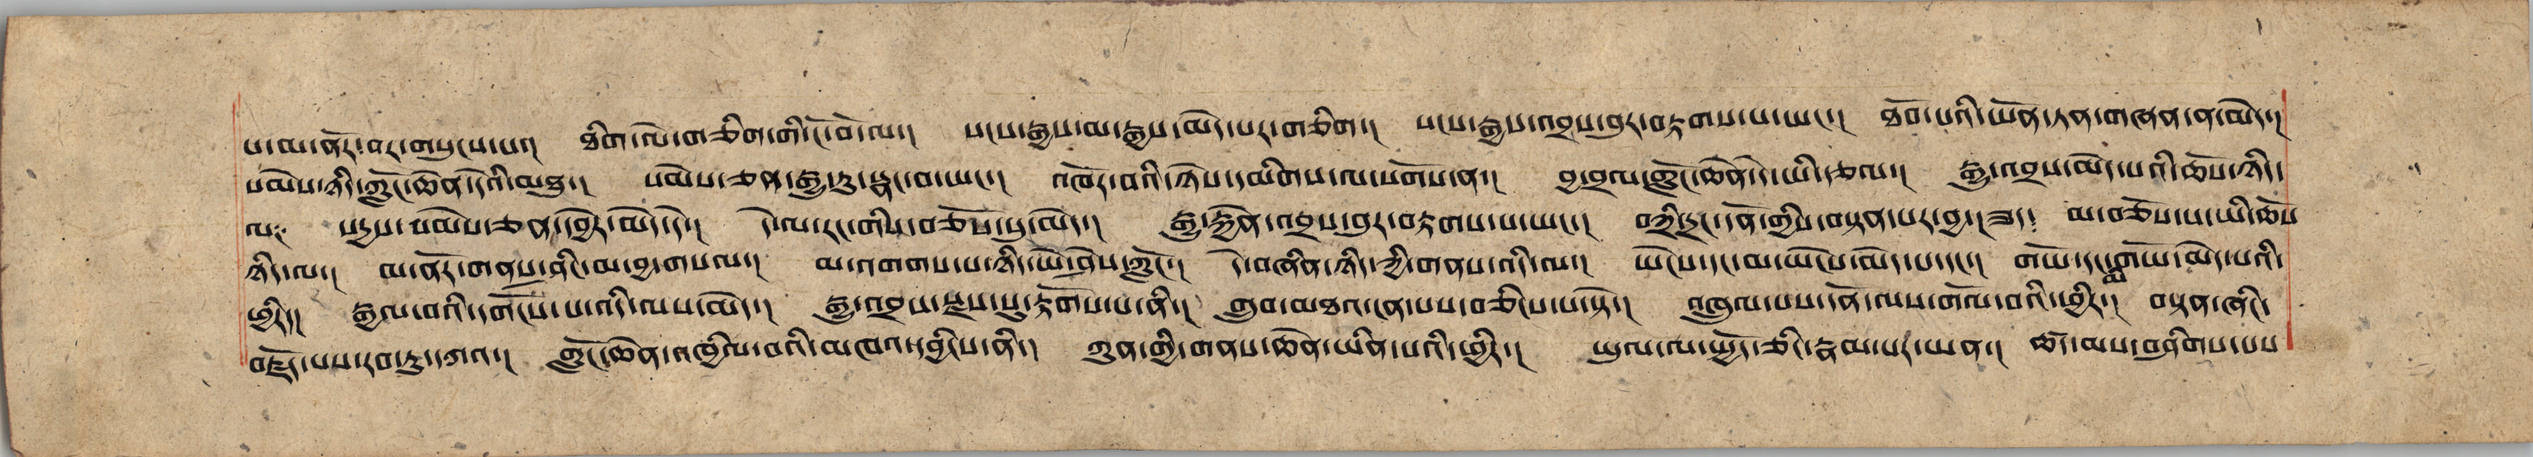པ་མ་ནོར་བར་གསུངས་པ་། ཐིག་ལེ་གཅིག་གི་ངོ་བོ་ལ་། སངས་རྒྱས་མ་རྒྱས་མེད་པར་གཅིག་། སངས་རྒྱས་འབྲས་བུར་བརྟགས་པ་ཡང་། ཐོབ་པའི་ཡོན་ཏན་གཞན་ན་མེད་།
སེམས་ཉིད་ཀློང་ཆེན་དེའི་མཐུ་། སེམས་ཅན་རྒྱུ་རུ་སྣང་བ་ཡང་། འཁོར་བའི་ཉེས་དམིགས་ལ་སོགས་ན་། བྱ་བྲལ་ཀློང་ཆེན་དེ་ཡི་རྩལ་། རྒྱུ་འབྲས་མེད་པའི་ཆོས་ཉིད་
ལ༑ སདྱས་སེམས་ཅན་དབྱེར་མེད་དེ་། དེ་ལ་རང་གིས་བཅོས་སུ་མེད་། རྒྱུ་རྐྱེན་འབྲས་བུར་བརྟགས་པ་ཡང་། བཀྲི་དྲང་དོན་གྱིས་བསྟན་པར་བྱ་།ཟད༴ མ་བཅོས་པ་ཡི་ཆོས་
ཉིད་ལ་། མ་ནོར་གནས་ཤིང་མ་བྱ་གསལ་། མ་འགགས་པ་ཉིད་ཡེ་ཤེས་ཀློང་། དེ་བཞིན་ཉིད་ཀྱི་གནས་འདི་ལ་། ཡེངས་དང་མ་ཡེངས་མེད་པ་དང་། གཡོ་དང་མ་གཡོ་མེད་པའི་
ཕྱིར་། རྒྱལ་བའི་དགོངས་པ་འདི་ལས་མེད་། རྒྱུ་འབྲས་སྫས་སུ་རྟོགས་པ་ནི་། གྲུབ་མཐའ་ངན་པས་བཅིངས་པ་སྟེ་། འཁྲུལ་པས་དོན་ལས་གོལ་བའི་ཕྱིར་། བསྟན་ཞིང་
བརྗོད་པས་རབ་ཏུ་དཀའ་། ཀློང་ཆེན་འཁྱིལ་བའི་མཁའ་དབྱིངས་ནི་། ཀུན་གྱི་གནས་ཆེན་ཡིན་པའི་ཕྱིར་། ཡུལ་ལ་སྤྱོད་ཅིང་རྣམ་པར་ཡན་། ཚད་མས་བཤིགས་པས་